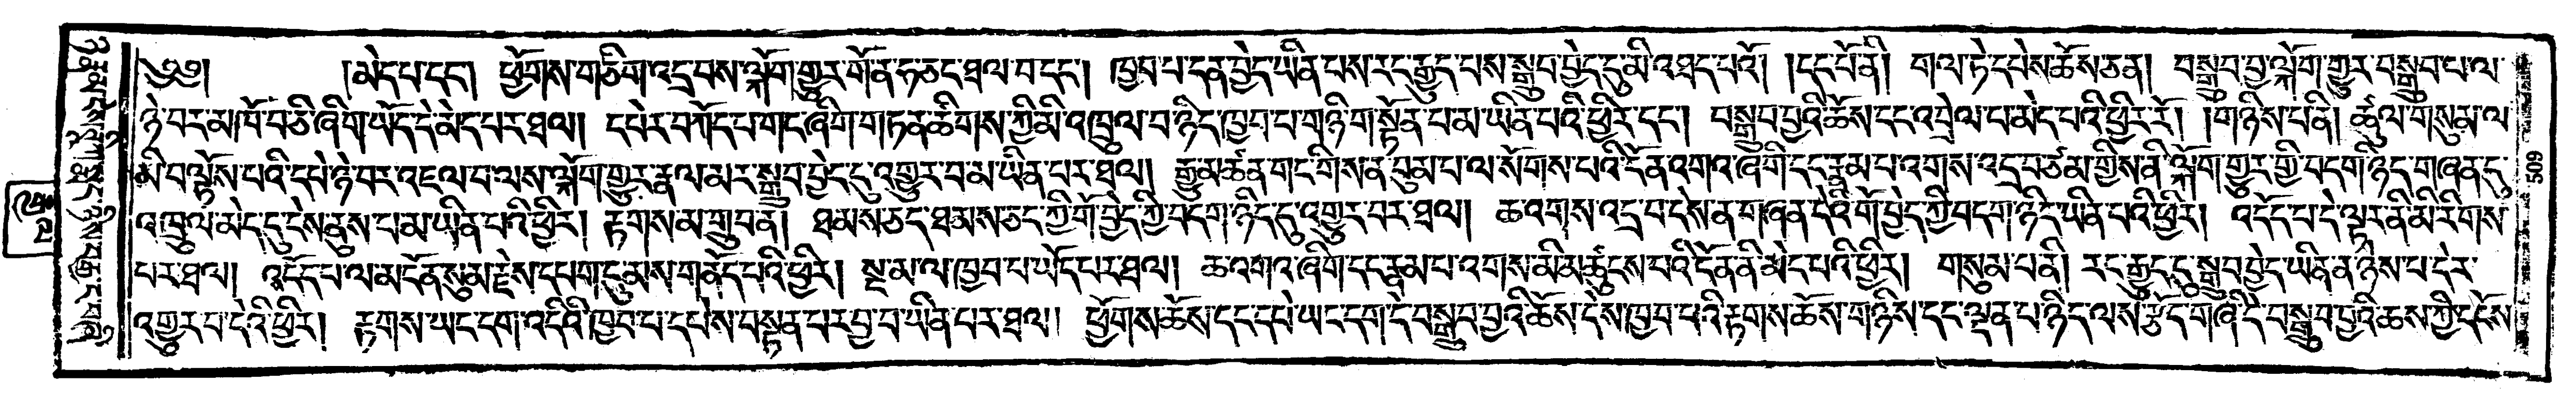༄༅། །མེད་པ་དང་། ཕྱོགས་གཅིག་འདྲ་བས་ལྐོག་གྱུར་གོ་ན་ཧ་ཅང་ཐལ་བ་དང་། ཁྱབ་པ་དན་བྱེད་ཡིན་པས་རང་རྒྱུད་པས་སྒྲུབ་བྱེད་དུ་མི་འཐད་པའོ། །དང་པོ་ནི། གལ་ཏེ་དཔེས་ཆོས་ཅན། བསྒྲུབ་བྱ་ལྐོག་གྱུར་བསྒྲུབ་པ་ལ་
ཉེ་བར་མཁོ་བོ་ཅི་ཞིག་ཡོད་དེ་མེད་པར་ཐལ། དཔེར་བཀོད་པ་གང་ཞིག་གཏན་ཚིགས་ཀྱི་མི་འཁྲུལ་བ་ཉིད་ཁྱབ་པ་གཉི་ག་སྟོན་པ་མ་ཡིན་པའི་ཕྱིར་དང་། བསྒྲུབ་བྱའི་ཆོས་དང་འབྲེལ་པ་མེད་པའི་ཕྱིར་རོ། །གཉིས་པ་ནི། ཚུལ་གསུམ་ལ་
མི་བལྟོས་པའི་དཔེ་ཉེ་བར་འཇལ་བ་ལས་ལྐོག་གྱུར་རྣལ་མར་སྒྲུབ་བྱེད་དུ་འགྱུར་བ་མ་ཡིན་པར་ཐལ། རྒྱུ་མཚན་གང་གིས་ན་བུམ་པ་ལ་སོགས་པའི་དོན་འགའ་ཞིག་དང་རྣམ་པ་འགས་འདྲ་བ་ཙམ་གྱིས་ནི་ལྐོག་གྱུར་གྱི་བདག་ཉིད་གཞན་དུ་
འཁྲུལ་མེད་དུ་ངེས་ནུས་པ་མ་ཡིན་པའི་ཕྱིར། རྟགས་མ་གྲུབ་ན། ཐམས་ཅད་ཐམས་ཅད་ཀྱི་གོ་བྱེད་ཀྱི་བདག་ཉིད་དུ་འགྱུར་བར་ཐལ། ཆ་འགས་འདྲ་བ་ངེས་ན་གཞན་དེའི་གོ་བྱེད་ཀྱི་བདག་ཉིད་ཡིན་པའི་ཕྱིར། འདོད་པ་དེ་ལྟར་ནི་མི་རིགས་
པར་ཐལ། འདོད་པ་ལ་མངོན་སུམ་རྗེས་དཔག་དུ་མས་གནོད་པའི་ཕྱིར། སྔ་མ་ལ་ཁྱབ་པ་ཡོད་པར་ཐལ། ཆ་འགའ་ཞིག་དང་རྣམ་པ་འགས་མི་མཚུངས་པའི་དོན་ནི་མེད་པའི་ཕྱིར། གསུམ་པ་ནི། རང་རྒྱུད་དུ་སྒྲུབ་བྱེད་ཡིན་ན་ཉེས་པ་དེར་
འགྱུར་བ་དེའི་ཕྱིར། རྟགས་ཡང་དག་འདིའི་ཁྱབ་པ་དཔེས་བསྟན་པར་བྱ་བ་ཡིན་པར་ཐལ། ཕྱོགས་ཆོས་དང་དཔེ་ཡང་དག་དེ་བསྒྲུབ་བྱའི་ཆོས་དེས་ཁྱབ་པའི་རྟགས་ཆོས་གཉིས་དང་ལྡན་པ་ཉིད་ལས་རྩོད་གཞི་དེ་བསྒྲུབ་བྱའི་ཆས་ཀྱི་དངོས་